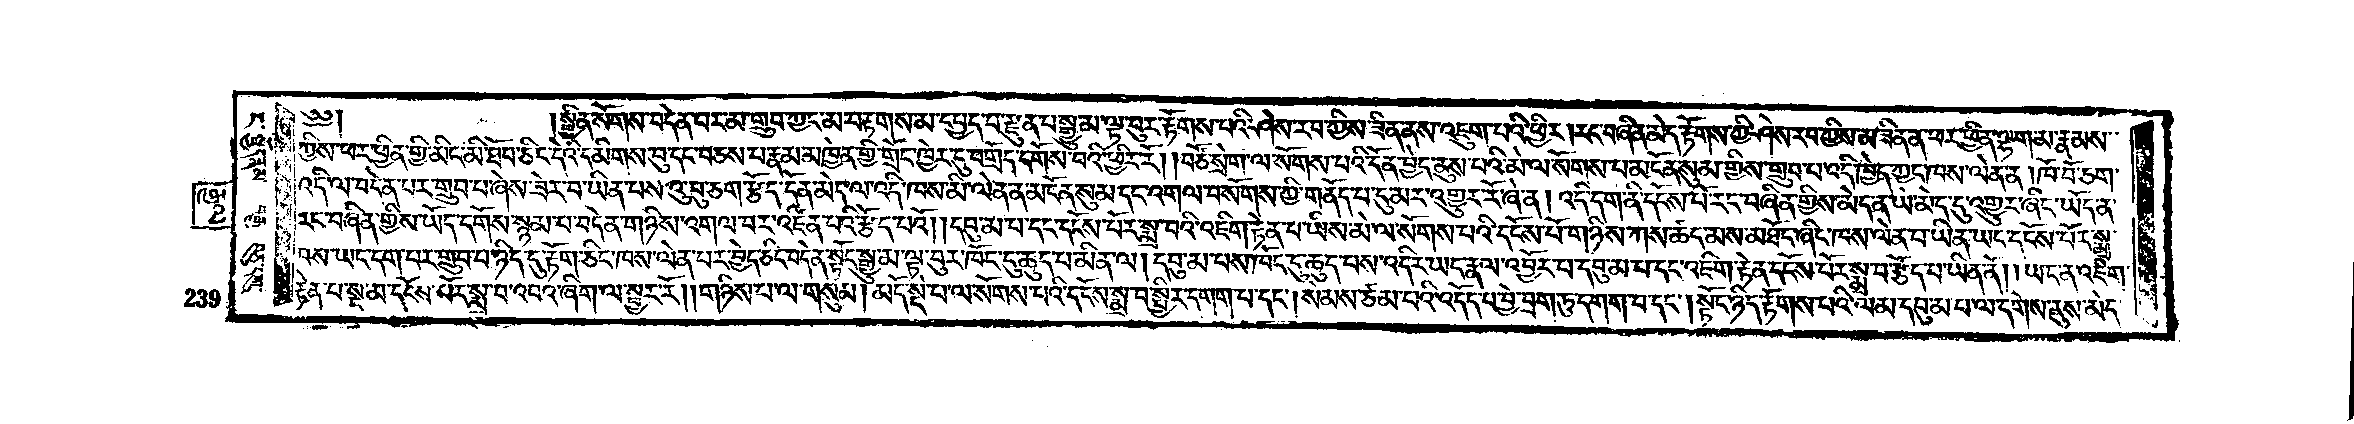༄༅། །སྦྱིན་སོགས་བདེན་པར་མ་གྲུབ་ཀྱང་མ་བརྟགས་མ་དཔྱད་པ་རྫུན་པ་སྒྱུ་མ་ལྟ་བུར་རྟོགས་པའི་ཤེས་རབ་ཀྱིས་ཟིན་ནས་འཇུག་པའི་ཕྱིར། རང་བཞིན་མེད་རྟོགས་ཀྱི་ཤེས་རབ་ཀྱིས་ཟིན་ནས་འཇུག་པའི་ཕྱིར། རང་བཞིན་མེད་རྟོགས་ཀྱི་ཤེས་རབ་ཀྱིས་མ་ཞིན་ན་ཕར་ཕྱིན་ལྷག་མ་རྣམས་
ཀྱིས་ཕར་ཕྱིན་གྱི་མིང་མི་ཐོབ་ཅིང་དེའི་དམིགས་བུ་དང་བཅས་པ་རྣམ་མཁྱེན་གྱི་གྲོང་ཁྱེར་དུ་བགྲོད་དགོས་པའི་ཕྱིར་རོ། །བཙོ་སྲེག་ལ་སོགས་པའི་དོན་བྱེད་ནུས་པའི་མེ་ལ་སོགས་པ་མངོན་སུམ་གྱིས་གྲུབ་པ་འདི་ཁྱེད་ཀྱང་ཁས་ལེན་ན། ཁོ་བོ་ཅག་
འདི་ལ་བདེན་པར་གྱུར་པ་ཞེས་ཟེར་བ་ཡིན་པས་འུ་བུ་ཅག་རྩོད་དོན་མེད་ལ་འདི་ཁས་མི་ལེན་ན་མངོན་སུམ་དང་འགལ་བ་སོགས་ཀྱི་གནོད་པ་དུ་མར་འགྱུར་རོ་ཞེ་ན། འདི་དག་ནི་དངོས་པོ་རང་བཞིན་གྱིས་མེད་ན་ཡེ་མེད་དུ་འགྱུར་ཞིང་ཡོད་ན་
རང་བཞིན་གྱིས་ཡོད་དགོས་སྙམ་པ་བདེན་གཉིས་འགལ་བར་འཛིན་པའི་རྩོད་པའོ། །དབུ་མ་པ་དང་དངོས་པོར་སྨྲ་བའི་འཇིག་རྟེན་པ་ཡིས་མེ་ལ་སོགས་པའི་དངོས་པོ་གཉིས་ཀས་ཚད་མས་མཐོང་ཞིང་ཁས་ལེན་པ་ཡིན་ཡང་དངོས་པོར་སྨྲ་
བས་ཡང་དག་པར་གྲུབ་པ་ཉིད་དུ་རོག་ཅིང་ཁས་ལེན་པར་བྱེད་ཅིང་བདེན་སྟོང་སྒྱུ་མ་ལྟ་བུར་ཁོང་དུ་ཆུད་པ་མིན་ལ། དབུ་མ་པས་ཁོང་དུ་ཆུད་པས་འདིར་ཡང་རྣལ་འབྱོར་པ་དུབ་མ་པ་དང་འཇིག་རྟེན་དངོས་པོར་སྨྲ་བ་རྩོད་པ་ཡིན་ནོ། །ཡང་ན་འཇིག་
རྟེན་པ་སྔ་མ་དངོས་པོར་སྨྲ་བ་འབའ་ཞིག་ལ་སྦྱར་རོ། །གཉིས་པ་ལ་གསུམ། མདོ་སྡེ་པ་ལ་སོགས་པའི་དངོས་སྨྲ་བ་སྤྱིར་དགག་པ་དང་། སེམས་ཙམ་པའི་འདོད་པ་བྱེ་བྲག་ཏུ་དགག་པ་དང་། སྟོང་ཉིད་རྟོགས་པའི་ལམ་དབུ་མ་པ་ལ་དགེས?་ནུས་མེད་